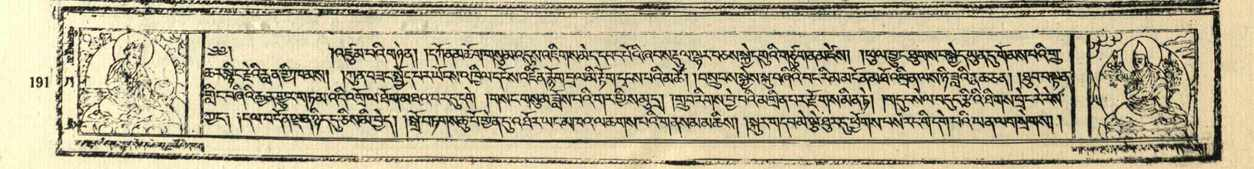༄༅། །འཛུམ་པའི་གཉེན། །དཀོན་མཆོག་གསུམ་འདུས་འཇིགས་མེད་དབང་པོའི་ཞབས་རྡུལ་ལྷར་བཅས་སྐྱེ་དགུའི་གཙུག་ན་མཛེས། །ཕུལ་བྱུང་ཐུགས་བསྐྱེད་ཡུན་དུ་གོམས་པའི་གྲུ་
ཆར་སྙིང་རྗེའི་རླན་གྱི་ཁམས། །ཀུན་བཟང་སྤྱོད་པར་ཡོངས་འཁྱིལ་དངོས་འཛིན་རྙོག་བྲལ་མི་རྟོག་དྭངས་པའི་མཚོ། །བསྲུབས་སྐྱེས་སྐུ་བཞིའི་བང་རིམ་མངོན་མཐོ་འཕྲིན་ལས་ཉི་ཟླའི་རྣ་ཆ་ཅན། །ཐུབ་བསྟན་
གླིང་བཞིའི་རྒྱན་གྱུར་གཏམ་འདི་འགྲོ་ལ་ཐོག་མཐའ་བར་དུ་དགེ །གསང་གསུམ་ཟློས་པའི་གར་གྱིས་མུ་དྲ། །གྲུབ་རིགས་བྱེ་བའི་མགྲིན་པར་རྫོགས་མིན་ཏེ། །གདུང་སེལ་བདུད་རྩིའི་ཐིགས་ཕྲེང་རེ་རེས་
ཀྱང༑ ༑དལ་བདོན་ལྡན་ཉིད་དུ་ཅིས་མི་བྱེད། །སྒྲོ་བཏགས་ཆུ་པོ་གྱེན་དུ་འཐོར་ཡང་མཁའ་ལ་ཆགས་པའི་གནས་མ་མཆིས། །སྐུར་གདབ་མེ་ལྕེ་ཐུར་དུ་ཕྱོགས་པས་རང་གི་དགེ་བའི་ཡན་ལག་སྲེགས། །